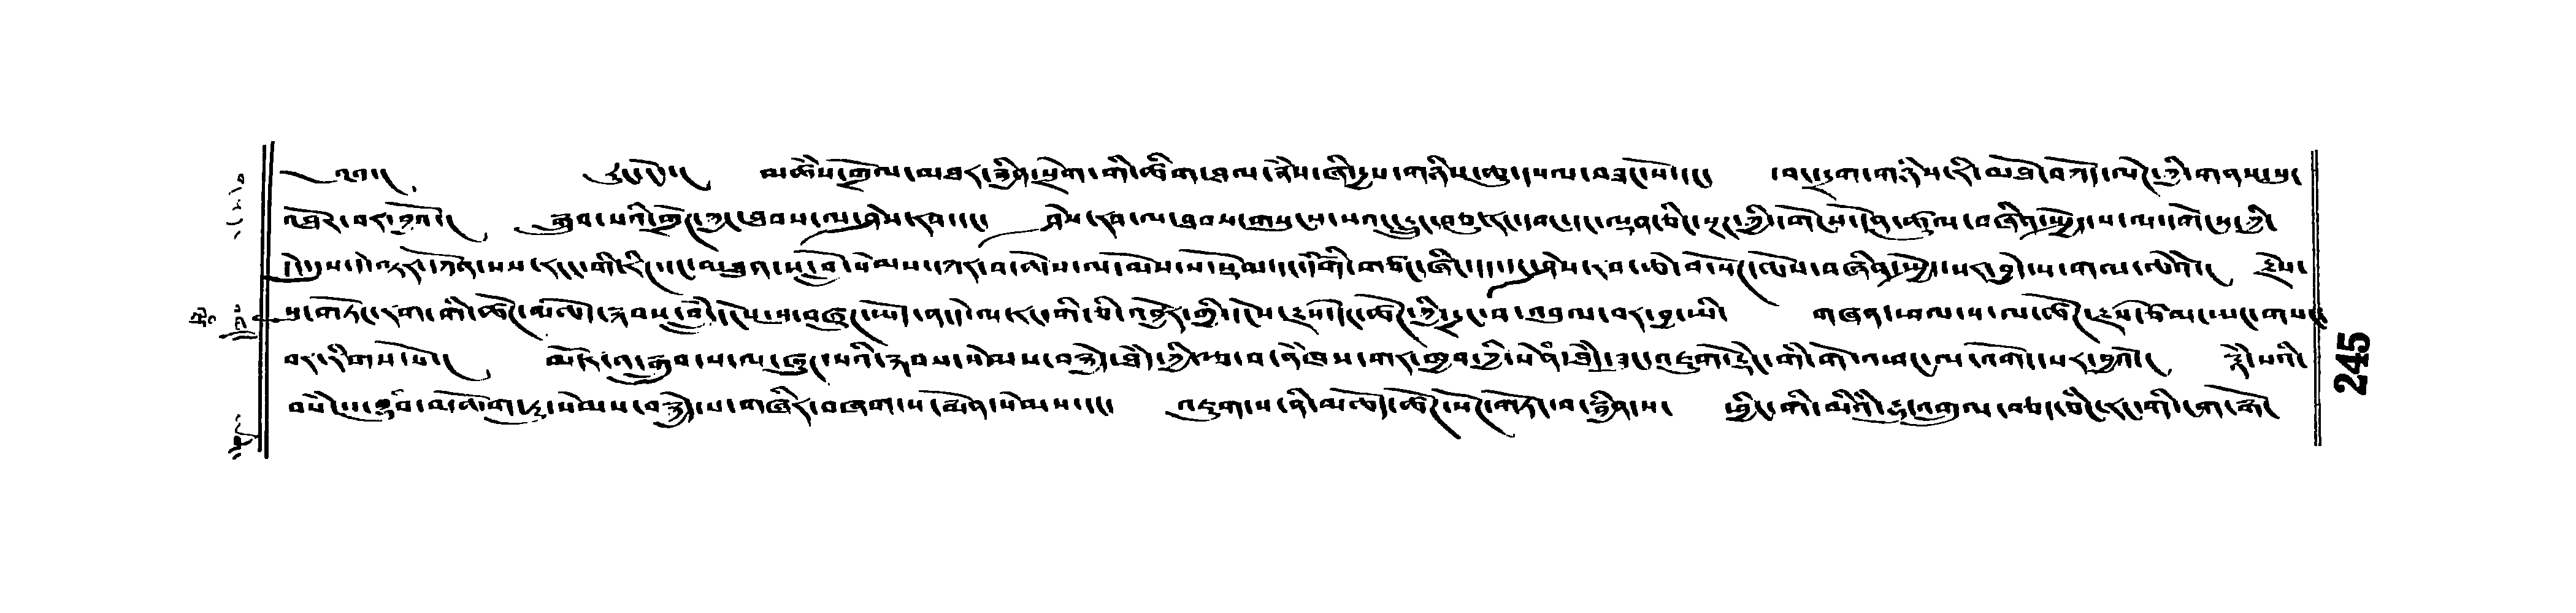རུང་ངོ། མཚམས་གྲོལ་མཐར་སྦྱིན་སྲེག་གི་ཚིག་ཐལ་རྣམས་ཞི་རྒྱས་གཉིས་ཆུ་དཔལ་བཟང་པོ་དང་། དབང་དྲག་གཉིས་རི་མཐོ་བཀོད་ལེགས་ཀྱི་གནས་སུ་
འཐོར་བར་བྱའོ། སྒྲུབ་པའི་གྲོགས་ཀྱང་ཐབས་ལ་ཤེས་རབ་དང་། ཤེས་རབ་ལ་ཐབས་གསུངས་པའང་རླུང་བཅུ་རང་དབང་དང་ལྡན་ཅིང་སྔགས་ཀྱི་དགོངས་དོན་ཚུལ་བཞིན་སྤྱོད་པ་ལ་དགོངས་ཀྱི་
དེང་དུས་དེ་ལྟར་དཀོན་པས་རང་རང་གི་རིགས་དང་མཐུན་པ་བློ་སེམས་དཀར་བ་ཆོས་ལ་མོས་པ་སྡོམ་དང་དམ་ཚིག་གཙང་ཞིང་དད་དང་ཤེས་རབ་ཆེ་བ་སོགས་ཆོས་བཞིན་སྤྱོད་པར་བྱེད་པ་གལ་ཆེའོ། རྗེས་
སུ་གཏང་རག་གི་ཚོགས་མཆོད་སྐབས་བླ་མ་དངོས་སུ་བཞུགས་ཡོད་ན་དེ་ལ་རང་གི་ཅི་འབྱོར་གྱི་དངོས་རྫས་དང་ཚོགས་ཀྱི་དྲང་བ་འབུལ་བར་བྱ་ཡི།གཞན་ཕལ་པ་ལ་ཚོགས་རྫས་ཙམ་ཡང་གསང་
བར་རིགས་སོ། མདོར་ན་སྒྲུབ་པ་ལ་ཞུགས་པའི་སྐབས་སེམས་བསྐྱེད་ཐམས་ཅད་རྩ་བ་ནམ་མཁས་གར་ཁྱབ་ཀྱི་སེམས་ཅན་ཐམས་ཅད་ཟུང་འཇུག་རྡོ་རྗེ་འཆང་གི་གོ་འཕང་ལ་འགོད་པར་བྱའོ། སྙམ་པའི་
བསམ་པ་བྱང་ཆུབ་མཆོག་ཏུ་སེམས་བསྐྱེད་པ་གཞིར་བཞག་པ་སྨོན་སེམས་དང་། འཇུག་པ་ནི་མཆོད་ཚོགས་སོགས་གཏོང་བ་སྦྱིན་པ། ཕྱི་ནང་གི་མིའི་རྒྱུ་འགྲུལ་བཅད་ཅིང་རང་གི་ངག་སྒོ་